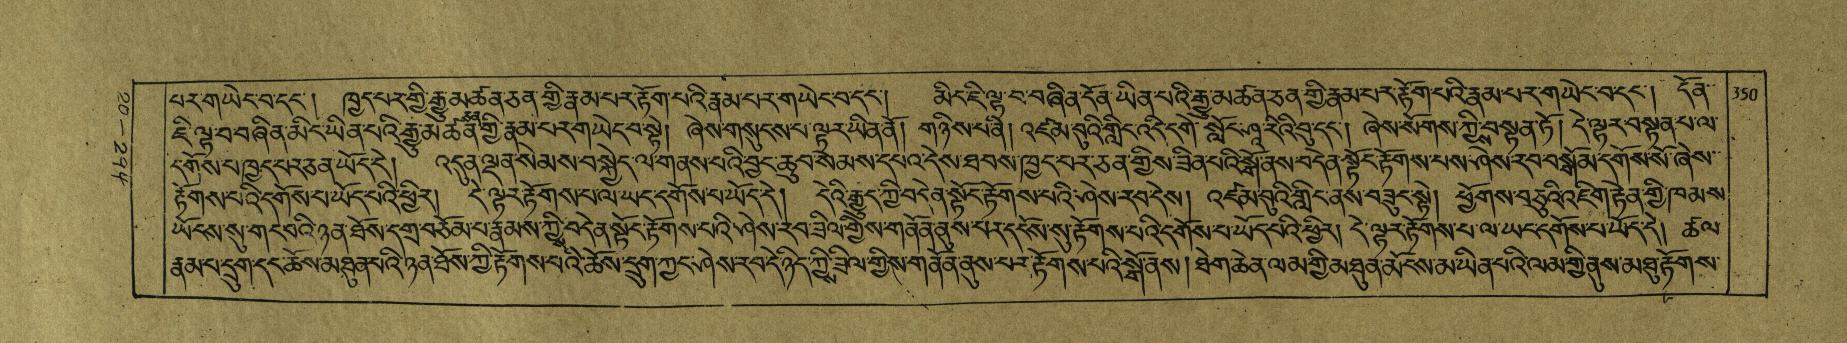པར་གཡེང་བ་དང་། ཁྱད་པར་གྱི་རྒྱུ་མཚན་ཅན་གྱི་རྣམ་པར་རྟོག་པའི་རྣམ་པར་གཡེང་བ་དང་། མིང་ཇི་ལྟ་བ་བཞིན་དོན་ཡིན་པའི་རྒྱུ་མཚན་ཅན་གྱི་རྣམ་པར་རྟོག་པའི་རྣམ་པར་གཡེང་བ་དང་། དོན་
ཇི་ལྟ་བ་བཞིན་མིང་ཡིན་པའི་རྒྱུ་མཚན་ཅན་གྱི་རྣམ་པར་གཡེང་བ་སྟེ། ཞེས་གསུངས་པ་ལྟར་ཡིན་ནོ། གཉིས་པ་ནི། འཛམ་བུའི་གླིང་འདི་དགེ་སློང་ཤཱ་རིའི་བུ་དང་། ཞེས་སོགས་ཀྱིས་བསྟན་ཏོ། དེ་ལྟར་བསྟན་པ་ལ་
དགོས་པ་ཁྱད་པར་ཅན་ཡོད་དེ། འདུན་ལྡན་སེམས་བསྐྱེད་ལ་གནས་པའི་བྱང་ཆུབ་སེམས་དཔའ་དེས་ཐབས་ཁྱད་པར་ཅན་གྱིས་ཟིན་པའི་སྒོ་ནས་བདེན་སྟོང་རྟོགས་པས་ཤེས་རབ་བསྒོམ་དགོས་སོ་ཞེས་
རྟོགས་པའི་དགོས་པ་ཡོད་པའི་ཕྱིར། དེ་ལྟར་རྟོགས་པ་ལ་ཡང་དགོས་པ་ཡོད་དེ། དེའི་རྒྱུད་ཀྱི་བདེན་སྟོང་རྟོགས་པའི་ཤེས་རབ་དེས། འཛམ་བུའི་གླིང་ནས་བཟུང་སྟེ། ཕྱོགས་བཅུའི་འཇིག་རྟེན་གྱི་ཁམས་
ཡོངས་སུ་གང་བའི་ཉན་ཐོས་དགྲ་བཅོམ་པ་རྣམས་ཀྱིས་བདེན་སྟོང་རྟོགས་པའི་ཤེས་རབ་ཟིལ་གྱིས་གནོན་ནུས་པར་དངོས་སུ་རྟོགས་པའི་དགོས་པ་ཡོད་པའི་ཕྱིར། དེ་ལྟར་རྟོགས་པ་ལ་ཡང་དགོས་པ་ཡོད་དེ། ཚལ་
རྣམ་པ་དྲུག་དང་ཆོས་མཐུན་པའི་ཉན་ཐོས་ཀྱི་རྟོགས་པའི་ཆོས་དྲུག་ཀྱང་ཤེས་རབ་དེ་ཉིད་ཀྱིས་ཟིལ་གྱིས་གནོན་ནུས་པར་རྟོགས་པའི་སྒོ་ནས། ཐེག་ཆེན་ལམ་གྱི་མཐུན་མོངས་མ་ཡིན་པའི་ལམ་གྱི་ནུས་མཐུ་རྟོགས་